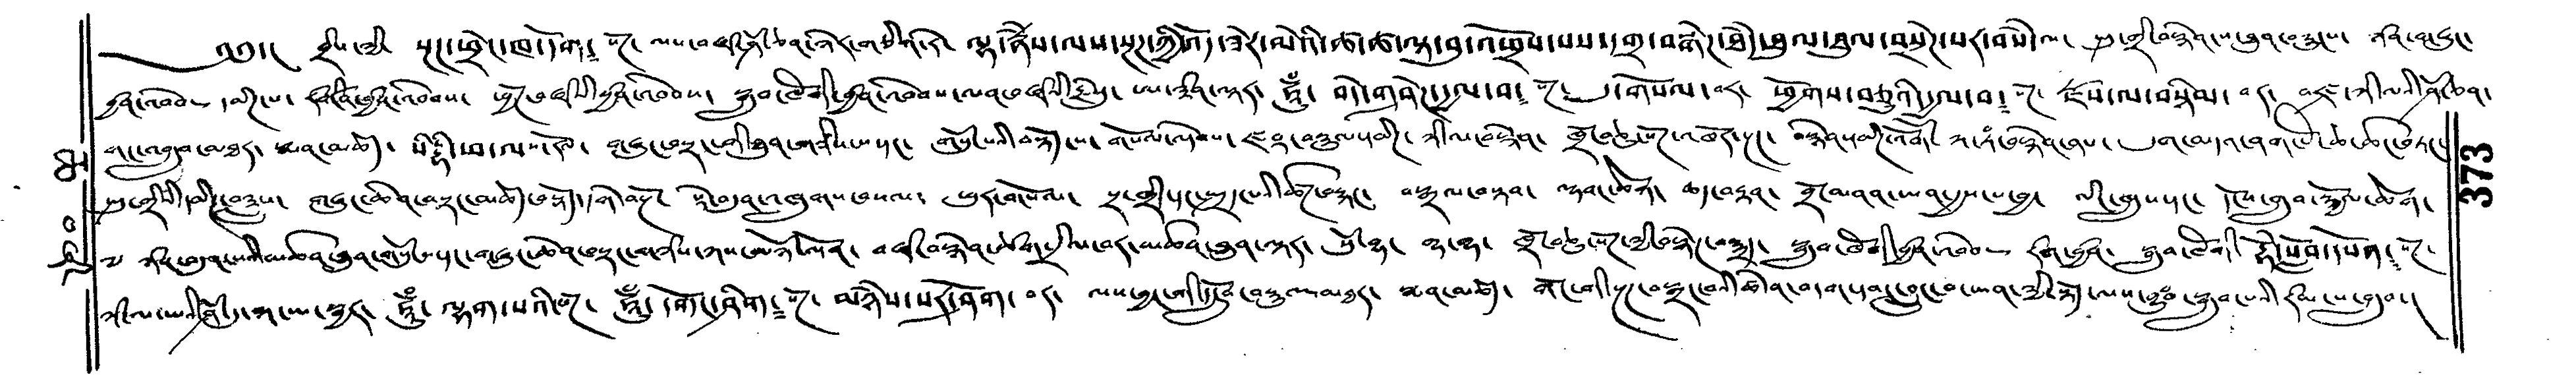བྲིས་ཀྱི། སྔགས་ཕྲེང་ཁ་དོག༴ སོགས་ལས་བཞིའི་གཤམ་ཅན་ཉེར་གཅིག་རེ།ལྷ་རྣམས་ལས་སྔགས་ཀྱི་འོད་ཟེར་མེའི་ཚྭ་ཚྭ་ལྟ་བུ་འཕྲོས་པས་དགྲ་བགེགས་ཐམས་ཅད་ཐུལ་ཐུལ་བསྲེགས་པར་བསམ་ལ། སྤུ་གྲི་བསྙེན་པ་ཐུན་བཟུང་། ཉིན་གཞུང་
བྱིན་འབེབས་དམིགས་པ། རིག་འཛིན་བྱིན་འབེབས། ཕྱོགས་བཞིའི་བྱིན་འབེབས། སྒྲུབ་ཁོག་གི་བྱིན་འབེབས་ལན་བཞིའི་རྗེས་སུ། ཨ་ཟིན་ལྟར། ཧཱུྃ༔ བདེ་གཤེགས་རྒྱལ་བ༴ སོགས། དུ་གསོལ༔ བར། ཕྱོགས་བཅུའི་རྒྱལ་བ༴ སོགས། རྫས་ལ་བསྟིམ། བར། བཛྲ་ཀི་ལ འི་གཤམ་ཅན་
གང་འགྲུབ་མཐར་སྨན་མཆོད། སིདྡྷི་ཕ་ལ ས་རོལ། གཞུང་བསྲང་གིས་ཐུན་གཉིས་པ་དང་གསུམ་པའི། བསྟོད་པ། གསོལ་འདེབས། འཛབ་བསྐུལ་དམིགས། ཀི་ལ་བསྙེན། ཁྲོ་བཅུ་སོགས་འཁོར་སྔགས། བསྙེན་དམིགས་འོག་མ། ཀ་ཏཾ༴ བསྟེན་ནས། དུག་མདའ་ནག་པོ་ཆ་ཚང་བཏང་། 
སྤུ་གྲིའི་དམིགས་བཟླས། གཞུང་ཆེན་བསྲང་། མཆོད་བསྟོད་དགེ་བསྔོ། སྡེ་བདུན་འཁྲུགས་བསལ། ཕུར་གསོལ། པྲ་ཁྲིད་དང་སྤྲད་པའི་ཚོགས་བསྐང་། བསྒྲལ་བསྟབ། ལྷག་ཆོག ཆད་བསྟན། བྲོ་མནན་ཡན་རྒྱས་པ་བྱ། ལིང་ཁྲུས་དང་། དངོས་གྲུབ་བསྐུལ་ཆོག
 ༈ ཉིན་བདུན་པའི་མཚན་ཐུན་གསུམ་པ་དང་གཞུང་ཆེན་བསྲང་གཉིས་ཀས་མཉམ་འདོན། གཞི་བསྙེན་ཆིག་དྲིལ་བར་མཚན་ཐུན་ལྟར། སུམ་བྷ༴ གྷ་གྷ༴ ཁྲོ་བཅུ་སོགས་ཀྱི་བགེགས་བསྐྲད། སྒྲུབ་ཁོག་གི་བྱིན་འབེབས། རིག་བྱིན། སྒྲུབ་ཁོག་གི རྡོ་རྗེ་སློབ་དཔོན༴ སོགས། 
ཀི་ལ་ཡ འི་ཤམ་དུ་ཀ་ཡ༴ སྦྱར། ཧཱུྃ༔ ལྷག་པའི༴ སོགས། ཧཱུྃ༔དགོངས་ཤིག༴ སོགས། མཉམ་པར་ཤོག༔ བར། ལས་བྱང་གི་དངོས་གྲུབ་བསྐུལ་མཐར་སྨན་མཆོད། གོང་གི་སྔགས་བསྒྲང་བའི་ཚེ་ན་བདག་དབང་བླང་བ་ཡན་ཀྱིས་སྟོད་ལས་བྱང་ཆུབ་སྒྲུབ་པའི་རིམ་པ་གྲུབ།